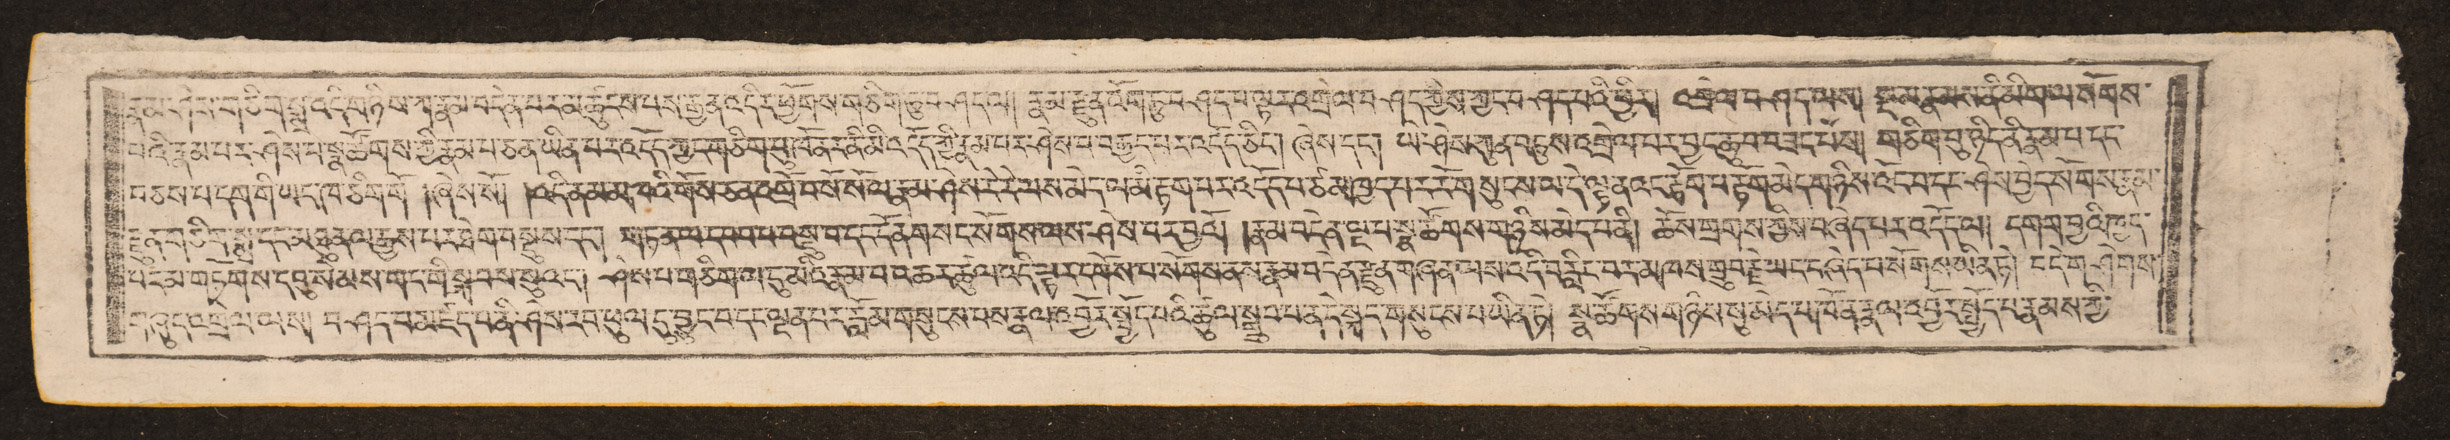རྣམ་ཤེས་གཅིག་སྨྲ་འདི་གཉིས་ཀ་རྣམ་བདེན་བར་མཚུངས་པས་རྒྱན་འདིར་ཕྱོགས་གཅིག་ཏུ་བཤད་ལ། རྣམ་རྫུན་འོག་ཏུ་བཤད་པ་ལྟར་འགྲེལ་བཤད་ཀྱིས་ཀྱང་བཤད་པའི་ཕྱིར། འགྲེལ་བཤད་ལས། སྔ་མ་རྣམས་ནི་མིག་ལ་སོགས་
པའི་རྣམ་པར་ཤེས་པ་སྣ་ཚོགས་ཀྱི་རྣམ་པ་ཅན་ཡིན་པར་འདོད་ཀྱང་གཅིག་བུ་ཁོ་ནར་ནི་མི་འདོད་ཀྱི་རྣམ་པར་ཤེས་པ་བརྒྱད་པར་འདོད་ཅིང་། ཞེས་དང་། ཡེ་ཤེས་ཀུན་བཏུས་འགྲེལ་པར་བྱང་ཆུབ་བཟད་པོས། གཅིག་པུ་ཉིད་ནི་རྣམ་པ་དང་
བཅས་པ་དག་གི་ཡང་ཁ་ཅིག་གོ །ཞེས་སོ། །འདི་ནམ་མཁའི་གོས་ཅན་འགྲོ་བ་སོ་སོ་ལ་རྣམ་ཤེས་རེ་རེ་ལས་མེད་ལ་མི་རྟག་པར་འདོད་པ་ཙམ་ཁྱད་པར་རོ་གསུངས་ལ་དེ་ལྟ་ནའང་རྟོག་པ་རྟོག་མེད་གཉིས་འོང་བ་དང་ཤེས་བྱེད་སོགས་རྣམ་
རྫུན་གཅིག་སྨྲ་དང་མཐུན་ལ་རྒྱས་པར་ཐེག་བསྡུས་དང་། གཏན་ལ་དབབ་པ་བསྡུ་བ་དང་དོན་གསང་སོགས་ལས་ཤེས་པར་བྱའོ། །རྣམ་བདེན་ལྔ་པ་སྣ་ཚོགས་གཉིས་མེད་པ་ནི། ཆོས་གྲགས་ཀྱིས་བཞེད་པར་འདོད་ལ། དགག་བྱའི་ཁྱད་
པར་མ་གཏོགས་དབུ་སེམས་གང་གི་སྐབས་སུའང་། ཤེས་པ་གཅིག་ལ་དུ་མའི་རྣམ་པ་འཆར་ཚུལ་འདི་ལྟར་དགོས་པ་སོགས་ནས་རྣམ་བདེན་རྫུན་གཞན་ལས་འདི་བརླིང་བར་མཁས་གྲུབ་རྗེ་ཡང་བཞེད་པ་སོགས་ཡིན་ཏེ། བདེ་གཤེགས་
གཞུང་འགྲེལ་ལས། བཤད་པ་མཛད་པ་ནི་ཤེས་རབ་ཕུལ་དུ་བྱུང་བ་དང་ལྡན་པར་རློམ་གསུངས་པས་རྣལ་འབྱོར་སྤྱོད་པའི་ཚུལ་སྒྲུབ་པ་ན་དེ་སྐད་གསུངས་པ་ཡིན་ཏེ། སྣ་ཚོགས་གཉིས་སུ་མེད་པ་ཁོ་ན་རྣལ་འབྱོར་སྤྱོད་པ་རྣམས་ཀྱི་